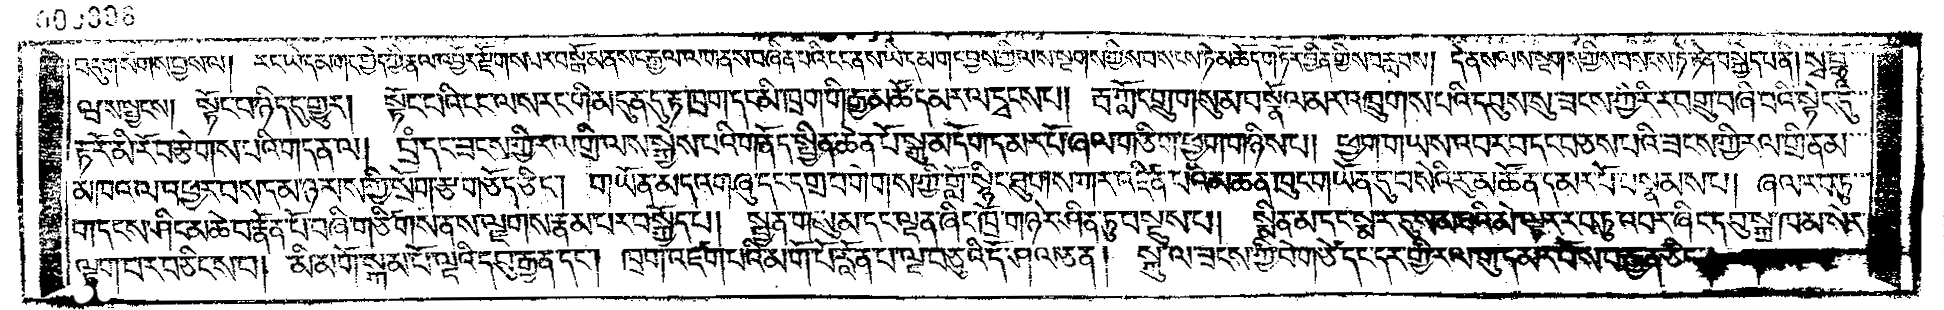བདུག་སོགས་བྱས་ལ། རང་ཡི་དམ་གང་བྱེད་ཀྱི་རྣལ་འབྱོར་རྫོགས་པར་བསྒོམ་ནས་ང་རྒྱལ་ལ་གནས་བཞིན་པའི་ངང་ནས་ཡི་དམ་གང་བྱས་ཀྱི་ལས་སྔགས་ཀྱིས་བསངས་ཏེ་མཆོད་གཏོར་བྱིན་གྱིས་བརླབས། དེ་ནས་ལས་སྔགས་ཀྱིས་བསངས་ཏེ་རྟེན་བསྐྱེད་པ་ནི། སྭ་བྷཱ་
ཝས་སྦྱངས།  སྟོང་པ་ཉིད་དུ་གྱུར། སྟོང་པའི་ངང་ལས་རང་གི་མདུན་དུ་རྟ་ཁྲག་དང་མི་ཁྲག་གི་རྒྱ་མཚོ་དམར་ལ་དྭངས་པ། རྦ་ཀློང་གྲུ་གསུམ་བསྣོལ་མར་འཁྲུགས་པའི་དབུས་སུ་ཟངས་ཀྱི་རི་རབ་གྲུ་བཞི་བའི་སྟེང་དུ་
རྟ་རོ་མི་རོ་བརྩེགས་པའི་གདན་ལ། བྲཾ་དང་ཟངས་ཀྱི་རལ་གྲི་ལས་སྐྱེས་པའི་གནོད་སྦྱིན་ཆེན་པོ་སྐུ་མདོག་དམར་པོ་ཞལ་གཅིག་ཕྱག་གཉིས་པ། ཕྱག་གཡས་འབར་བ་དང་བཅས་པའི་ཟངས་ཀྱི་རལ་གྲི་ནམ་
མཁའ་ལ་འཕྱར་བས་དམ་ཉམས་ཀྱི་སྲོག་རྩ་གཅོད་ཅིང་། གཡོན་མདའ་གཞུ་དང་དགྲ་བགེགས་ཀྱི་གློ་སྙིང་ཐུགས་ཀར་འཛིན་པའི་མཆན་ཁུང་གཡོན་དུ་བསེའི་རུ་མཚོན་དམར་པོ་བསྣམས་པ། ཞལ་རབ་ཏུ་
གདངས་ཤིང་མཆེ་བ་རྣོན་པོ་བཞི་གཙིགས་ནས་ལྗགས་རྣམ་པར་བསྐྱོད་པ། སྤྱན་གསུམ་དང་ལྡན་ཞིང་ཁྲོ་གཉེར་ཤིན་ཏུ་བསྡུས་པ། སྨིན་མ་དང་སྨ་ར་དུས་མཐའི་མེ་ལྟར་རབ་ཏུ་འབར་ཞིང་དབུ་སྐྲ་ཁམ་སེར་
ལྟག་པར་བཅིངས་པ། མི་མགོ་སྐམ་པོ་ལྔའི་དབུ་རྒྱན་དང་། ཁྲག་འཛག་པའི་མགོ་པོ་རློན་པ་ལྔ་བཅུའི་དོ་ཤལ་ཅན། སྐུ་ལ་ཟངས་ཀྱི་བེ་ག་ཙེ་དང་དར་གྱི་རལ་གུ་དམར་པོས་བརྒྱན་ཅིང་། ཞབས་ལ་